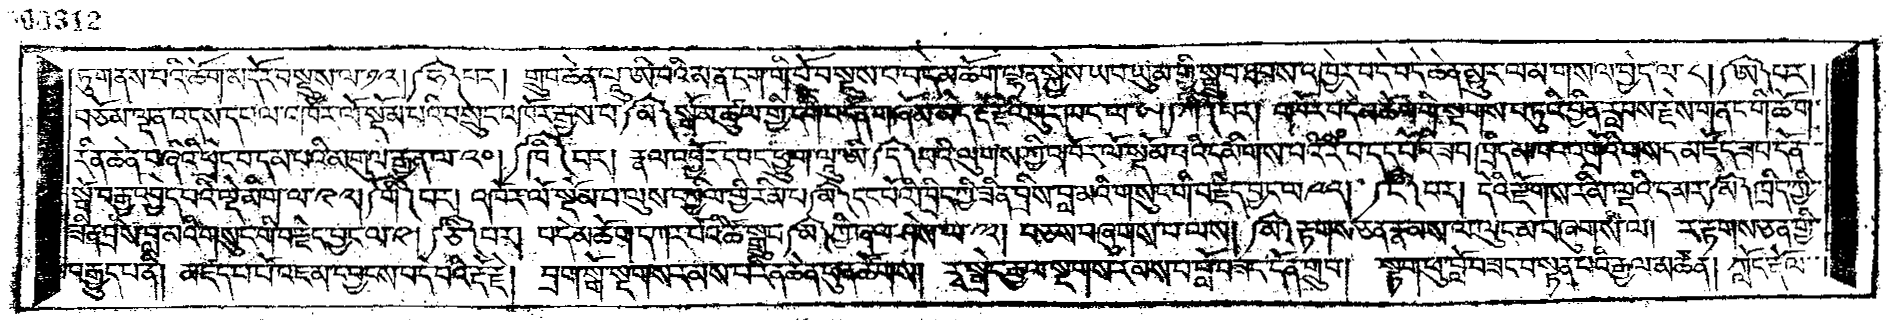ཏུ་གནས་པའི་ཆོ་ག་མདོར་བསྡུས་ལ ༡༢། ༼ཧ༽ པར། གྲུབ་ཆེན་ལཱུ་ཨི་བའི་མན་ངག་གི་པོ་བསྡུས་པ་བདེ་མཆོག་ལྷན་སྐྱེས་ཡབ་ཡུམ་གྱི་སྒྲུབ་ཐབས་འཁྱེར་བདེ་བདེ་ཆེན་མྱུར་ལམ་གསལ་བྱེད་ལ ༨། ༼ཨ༽ པར།
བཅོམ་ལྡན་འདས་དཔལ་འཁོར་ལོ་སྡོམ་པའི་བསྲུང་འཁོར་རྒྱས་པ ༼མ༽ སྒོམ་ཚུལ་གྱི་དགེ་འདོན་གཞོམ་མེད་རྡོ་རྗེའི་གུར་ཁང་ལ ༦། ༼ཀི༽ པར། འཁོར་བདེ་མཆོག་གི་སྔགས་བཏུའི་བྱིན་རླབས་རྗེས་གནང་གི་ཆོ་ག་
རིན་ཆེན་བཞིའི་ཕྲེང་བ་དམ་པའི་མགུལ་རྒྱན་ལ ༢༠། ༼ཁི༽ པར། རྣལ་འབྱོར་དབང་ཕྱུག་ལཱུ་ཨི ༼ད༽ པའི་ལུགས་ཀྱི་འཁོར་ལོ་སྡོམ་པའི་དམིགས་པའི་རིཾ་པ་དང་པོའི་ཟབ་ཁྲིད་མཁའ་འགྲོའི་གསང་མཛོད་ཟབ་དོན་
སྒོ་བརྒྱ་འབྱེད་པའི་ལྡེ་མིག་ལ ༩༢། ༼གི༽ བར། འཁོར་ལོ་སྡོམ་པ་ལུས་དཀྱིལ་གྱི་རིམ་པ ༼མ༽ དང་པོའི་ཁྲིད་ཀྱི་ཟིན་བྲིས་བླ་མའི་གསུང་གི་བརྗེད་བྱང་ལ ༩༢། ༼ངི༽ པར། དེའི་རྫོགས་རིམ་ལྔའི་དམར ༼མ༽ ཁྲིད་ཀྱི་
ཟིན་བྲིས་བླ་མའི་གསུང་གི་བརྗེད་བྱང་ལ ༩། ༼ཅི༽ བར། བདེ་མཆོག་དཀར་པོའི་ཚེ་སྒྲུབ ༼མ༽ ཀྱི་ཞལ་ཤེས་ལ ༣། བཅས་བཞུགས་པ་ལས། ༼མ༽ རྟགས་ཅན་རྣམས་ལ་ལུང་མ་བཞུགས་ལ། ར་རྟགས་ཅན་གྱི་
བརྒྱུད་པ་ནི། མཛད་པ་པོ་འཇམ་དབྱངས་བདེ་བའི་རྡོ་རྗེ། བྲག་སྒོ་སྔགས་རམས་པ་རིན་ཆེན་ཕུན་ཚོགས། རྭ་སྒྲང་རྒྱལ་སྔགས་རམས་པ་བློ་བཟང་དོན་གྲུབ། སྟག་ཕུ་བློ་བཟང་བསྟན་པའི་རྒྱལ་མཚན། ཀློང་རྡོལ་